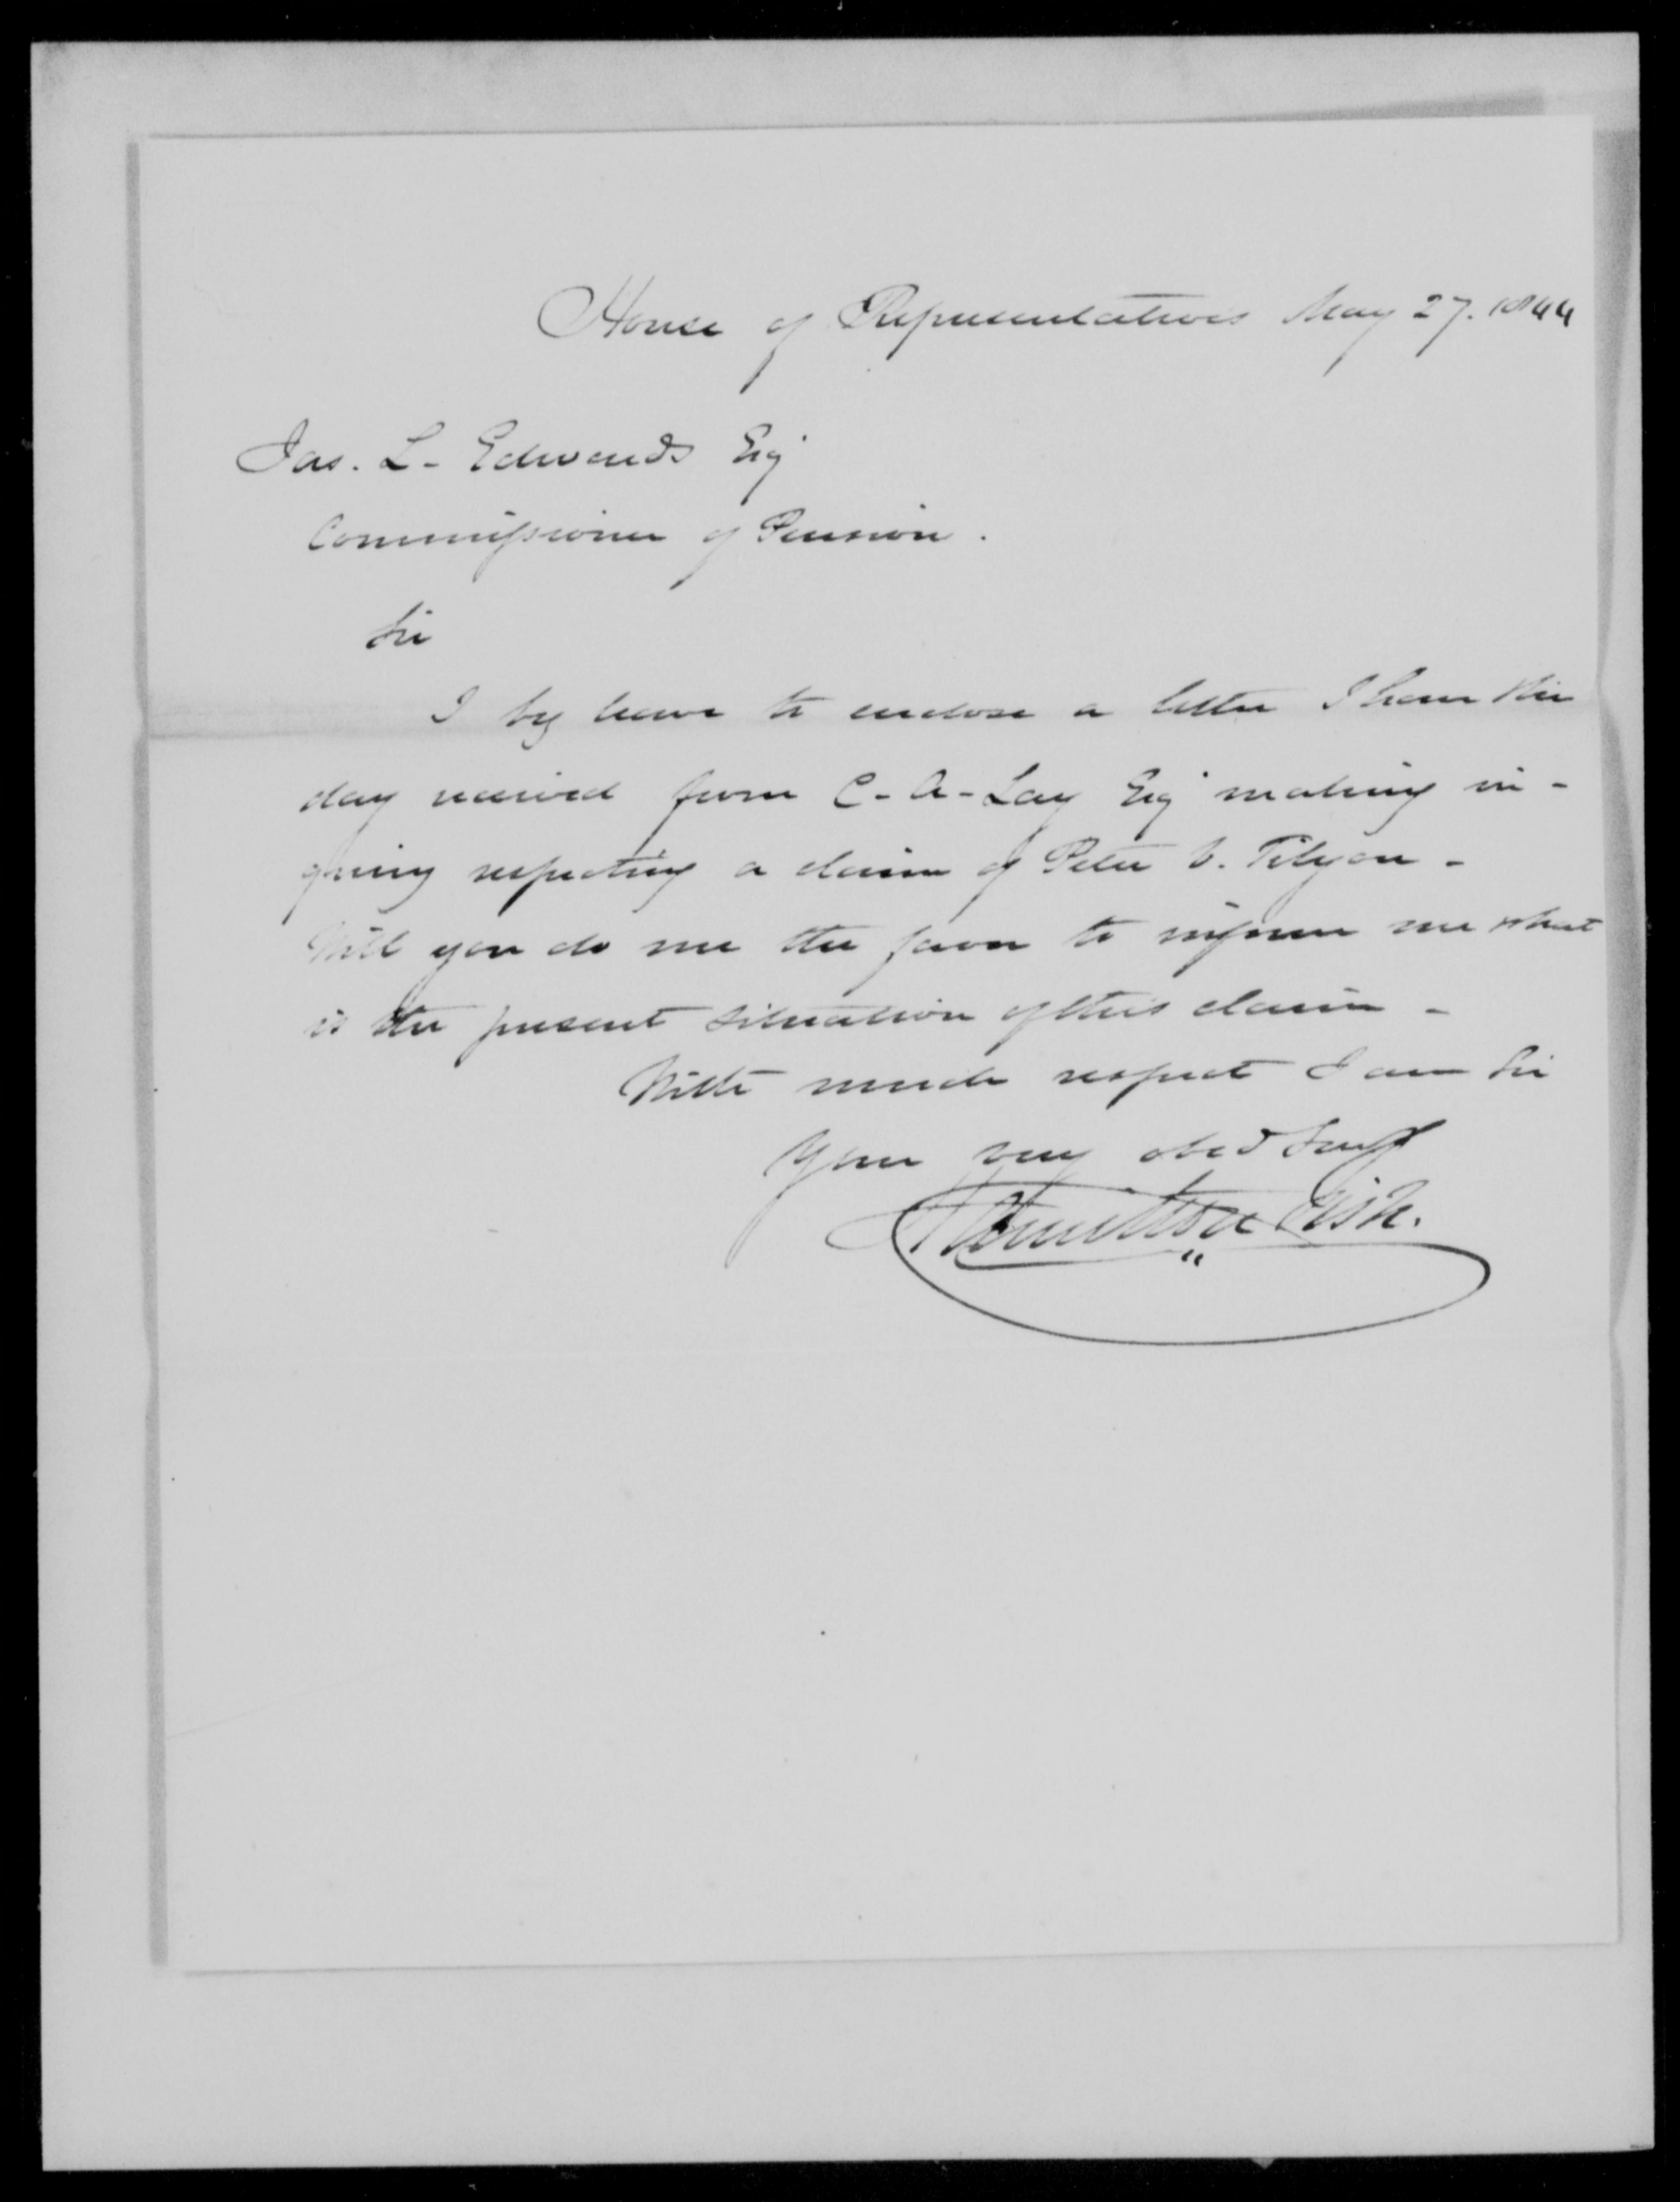House of Representatives May 27. 1844

Jas. L. Edwards Esq.
Commissioner of Pension.

Sir,

I beg leave to enclose a letter I have this day received from C. A. Lay Esq. making inquiry respecting a claim of Peter V. Tilyou . 
Will you do me the favor to inform me what is the present situation of this claim.

                   With much respect I am Sir
                    Your very obed Servant
             
                               Hamilton Fish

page: 34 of 101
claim: widow's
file: W. 25481, for Peter V Tilyou, New Jersey